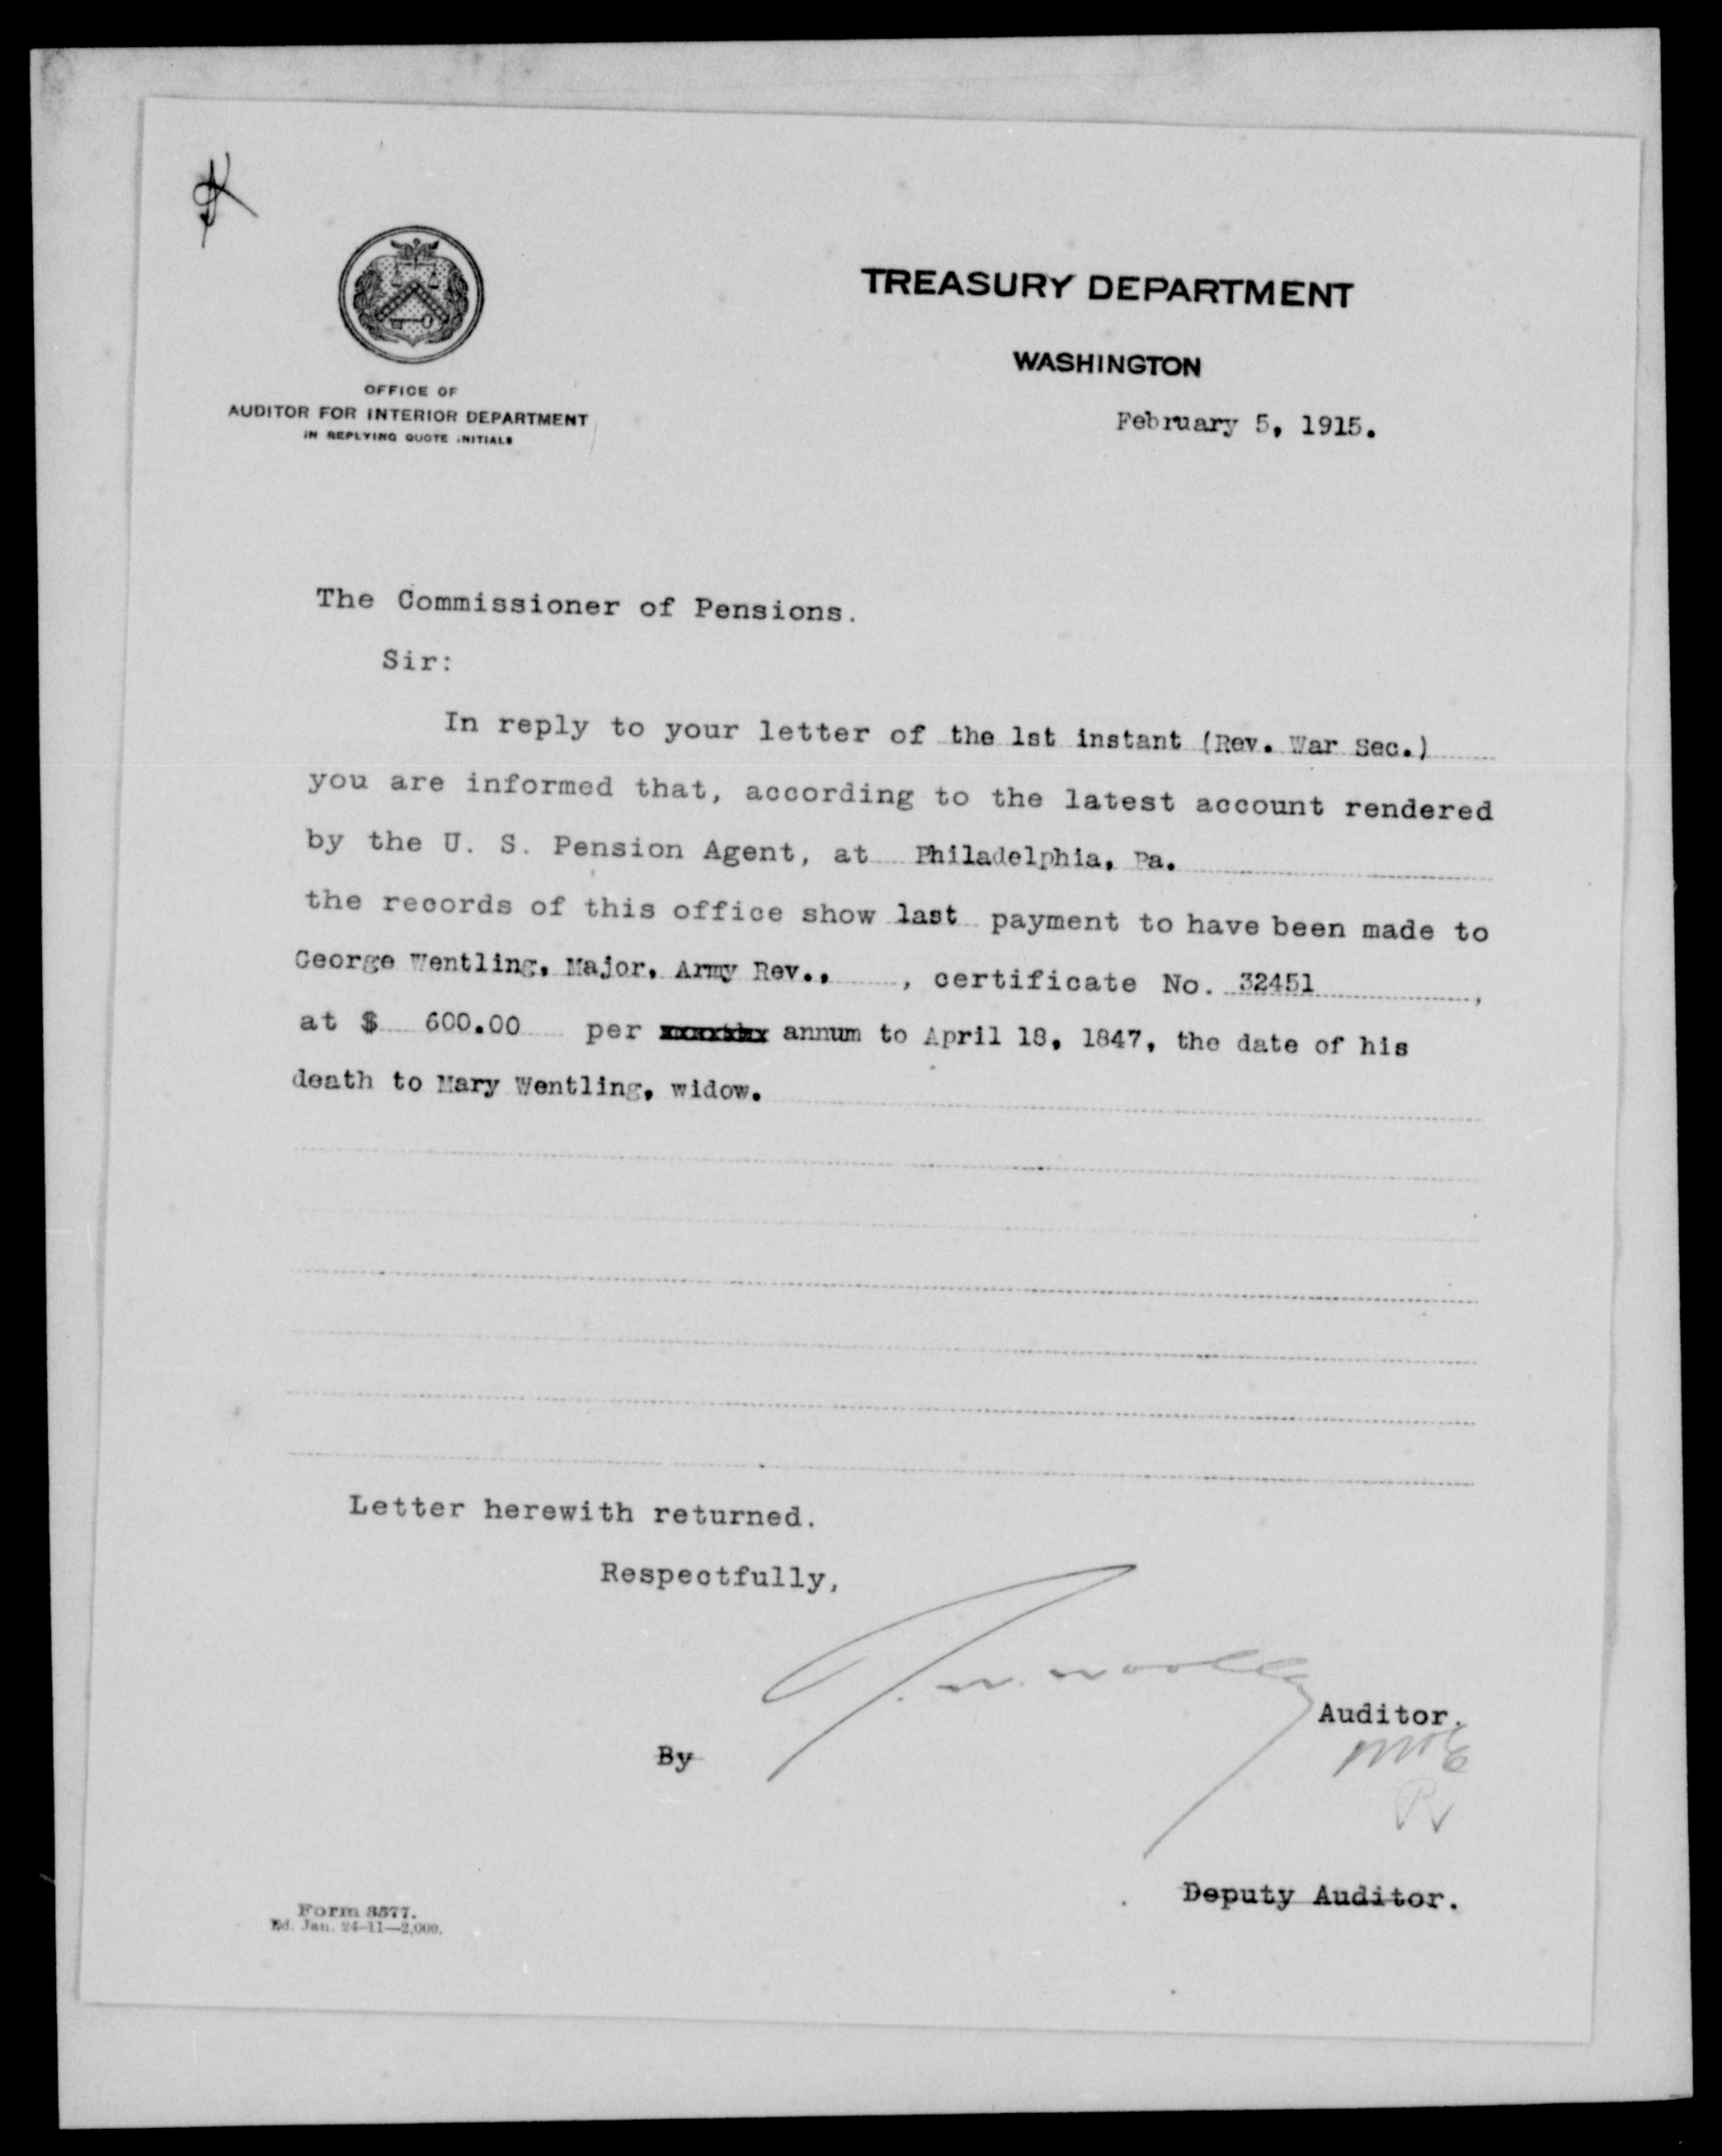DK

TREASURY DEPARTMENT
WASHINGTON
February 5, 1915.

OFFICE OF
AUDITOR FOR INTERIOR DEPARTMENT
IN REPLYING QUOTE INITIALS

The Commissioner of Pensions,

Sir:

In reply to your letter of the 1st instant (Rev. War Sec.) you are informed that, according to the latest account rendered by the U. S. Pension Agent, at Philadelphia, Pa.  the records of this office show last payment to have been made to
George Wentling, Major Army Rev.,   , certificate No. 32451 at $600.00 per [cross out] annum to April 18, 1847, the date of his death to Mary Wentling, widow.

Letter herewith returned.
Respectfully,

R. W. Woolly
Auditor 
By          MoE
              RV
[Deputy Auditor. line through]

Form 3577.
Ed. Jan. 24-11-2009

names: R W Woolly, George Wentling, Mary Wentling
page: 32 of 68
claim: survivor's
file: S. 6,358, George Wentling, Penn.